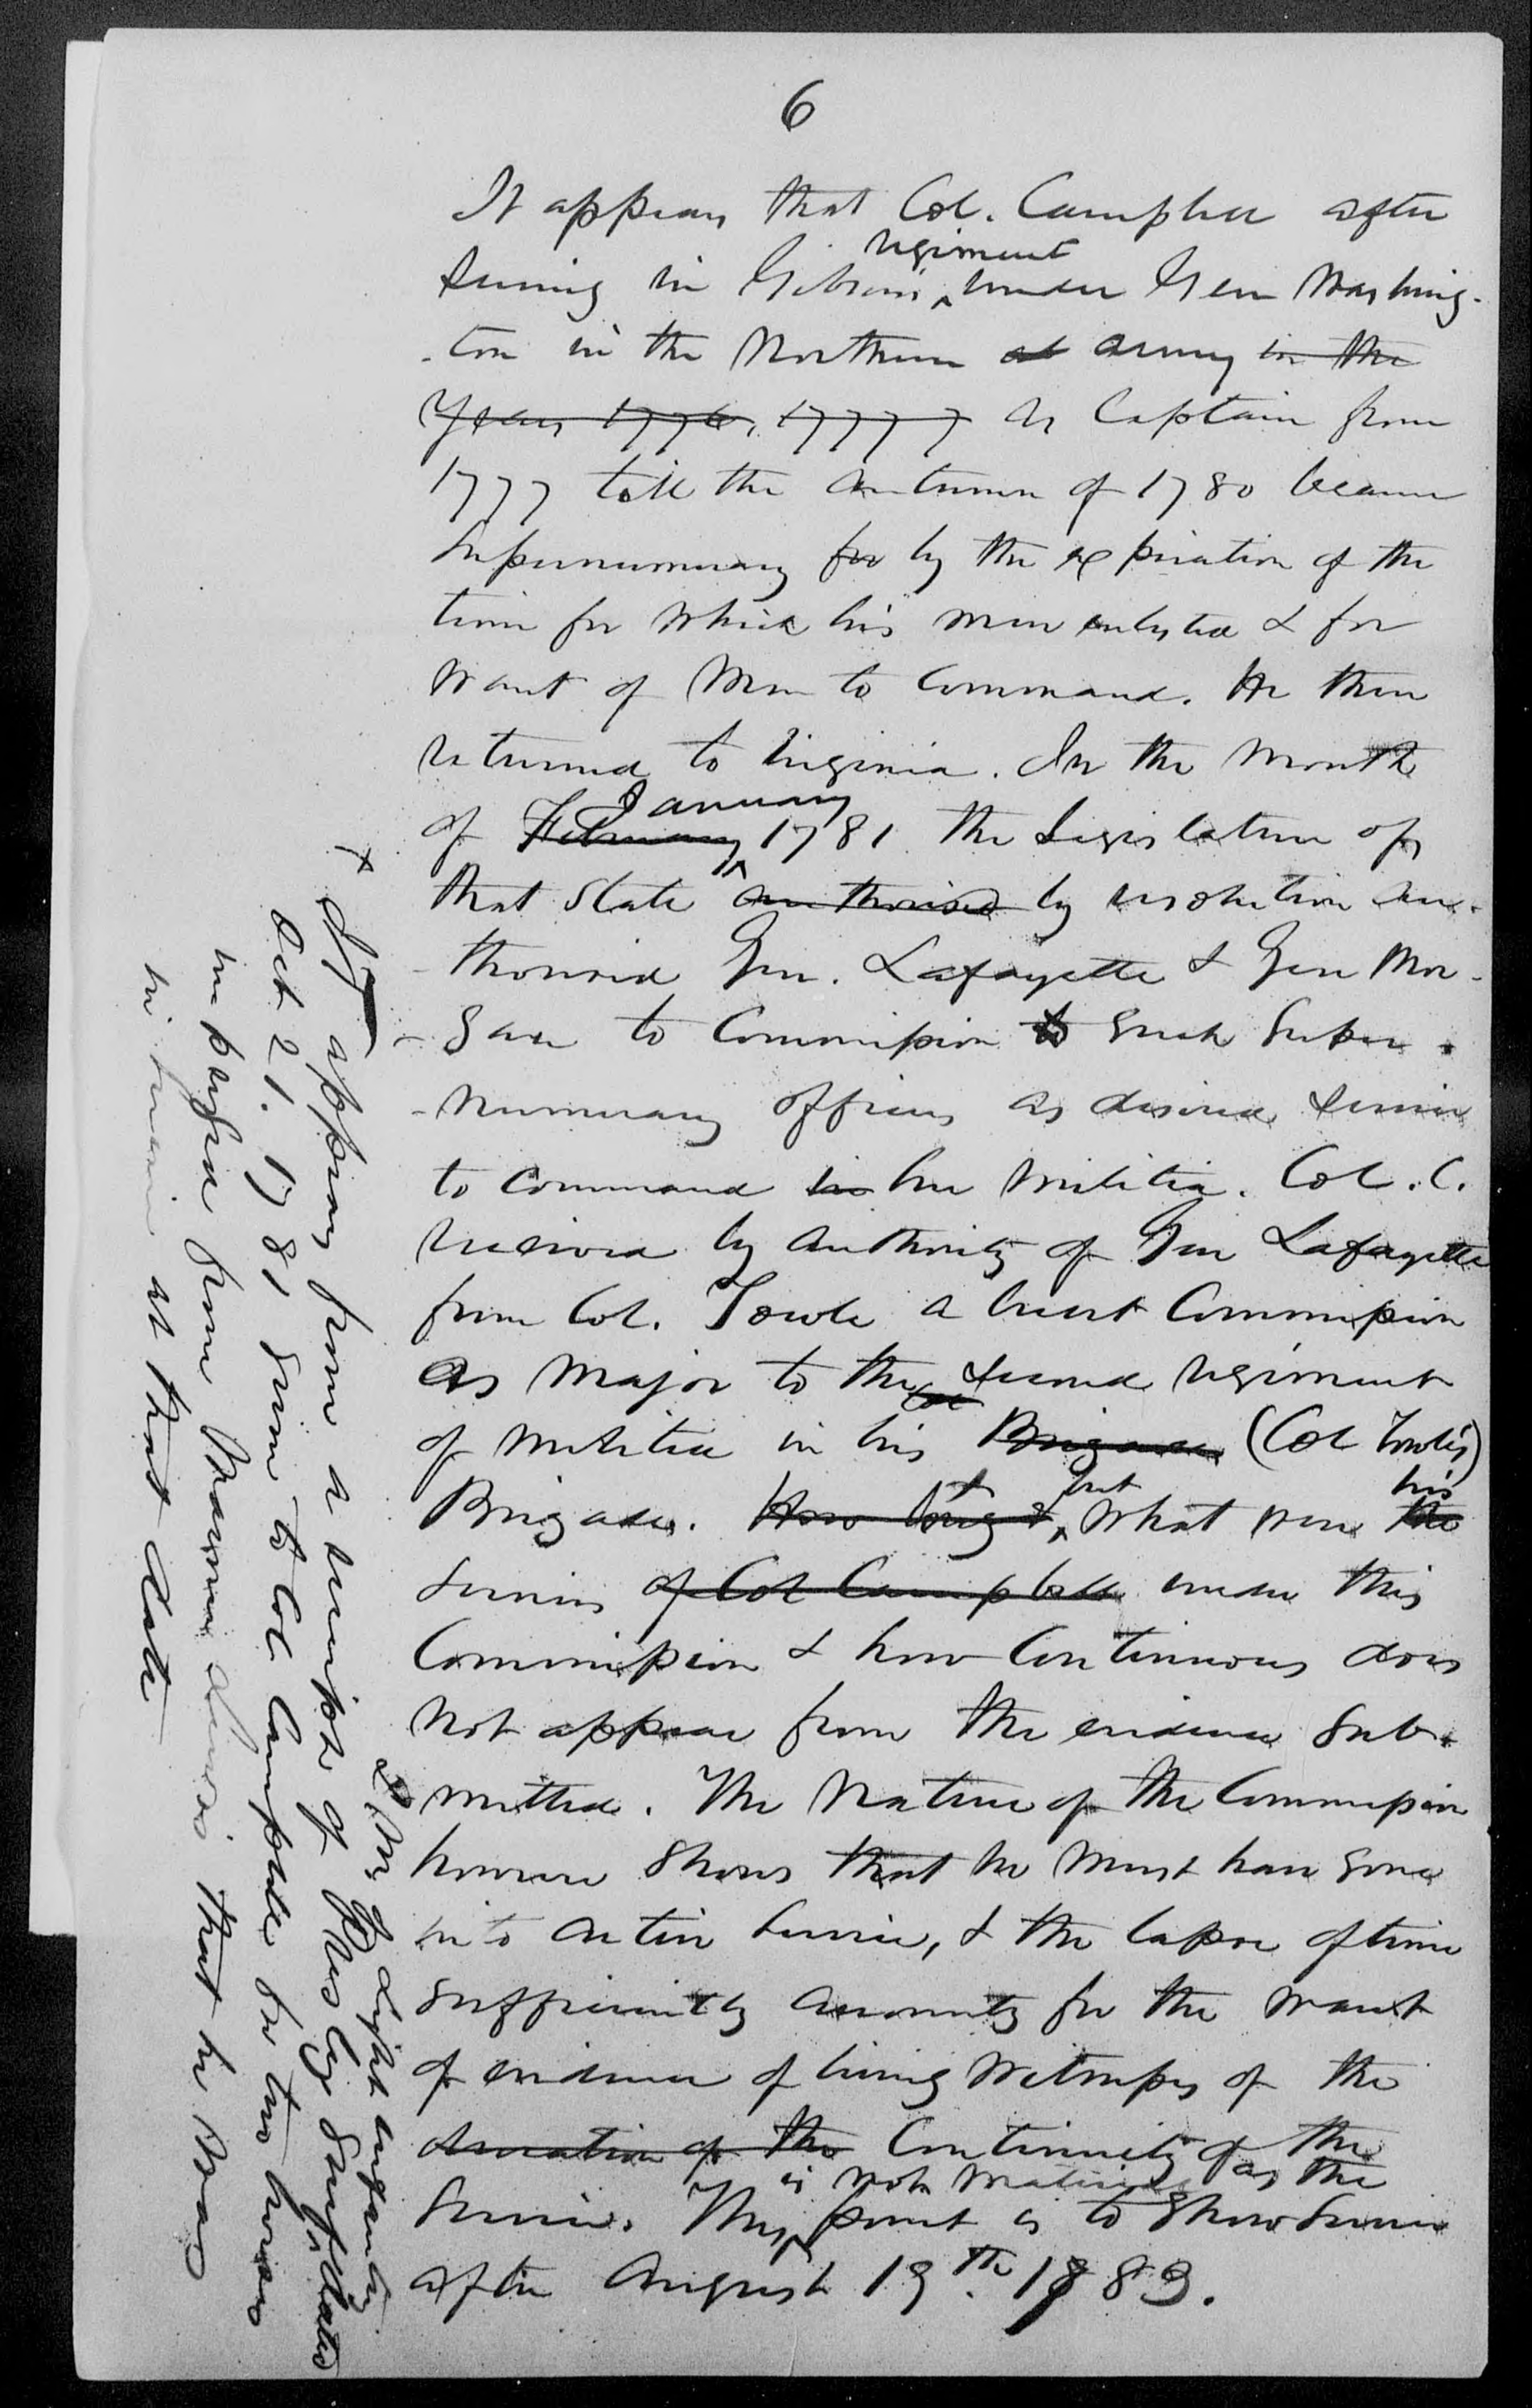6
It appears that Col. Campbell after serving in Gibson's regiment under Gen Washington in the Northern [crossed out word] army [cross out begins] in the years 1776 , 1777  7 [cross out ends] as Captain from 1777 till the autumn of 1780 became Supernumerary for by the expiration of the time for which his men enlisted +[and] for want of men to command. He then returned to Virginia. In the month of January [February crossed out] 1781 the Legislature of that state by resolution authorised Gen. Lafayette +[and] Gen Morgan to Commission [crossed out word 'to'] such Supernumerary officers as desired Service to command [crossed out word 'in'] the militia.  Col. C.  received by authority of Gen Lafayette from Col. Towle a brevet Commission as Major to the Second regiment of militia in his [crossed out word 'Brigade'] (Col. Towle's) Brigade. [crossed out words 'How long +[and]'] but what were [crossed out word 'the'] his services [crossed out 'of Col Campbell'] under this Commission +[and] how continuous does not appear from the evidence Submitted. The Nature of the Commission however shows that he must have gone into Active Service, +[and] the lapse of time sufficiently accounts for the want of evidence of living Witnesses of the Continuity of the service.  This [insert begins] is not material as the [insert ends] point is to show service after August 19th. 1783.
+[and] It appears from a receipt of Presley Surf Ltn of Light Infantry dated October 21. 1781 given to Col Campbell for two horses impressed from Warner Lewis that he was in service at that date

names: Towle, Campbell, Lafayette, Washington, Towle, Morgan, Lafayette, Campbell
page: 254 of 267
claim: widow's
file: W. 4,149, William Campbell, Va.